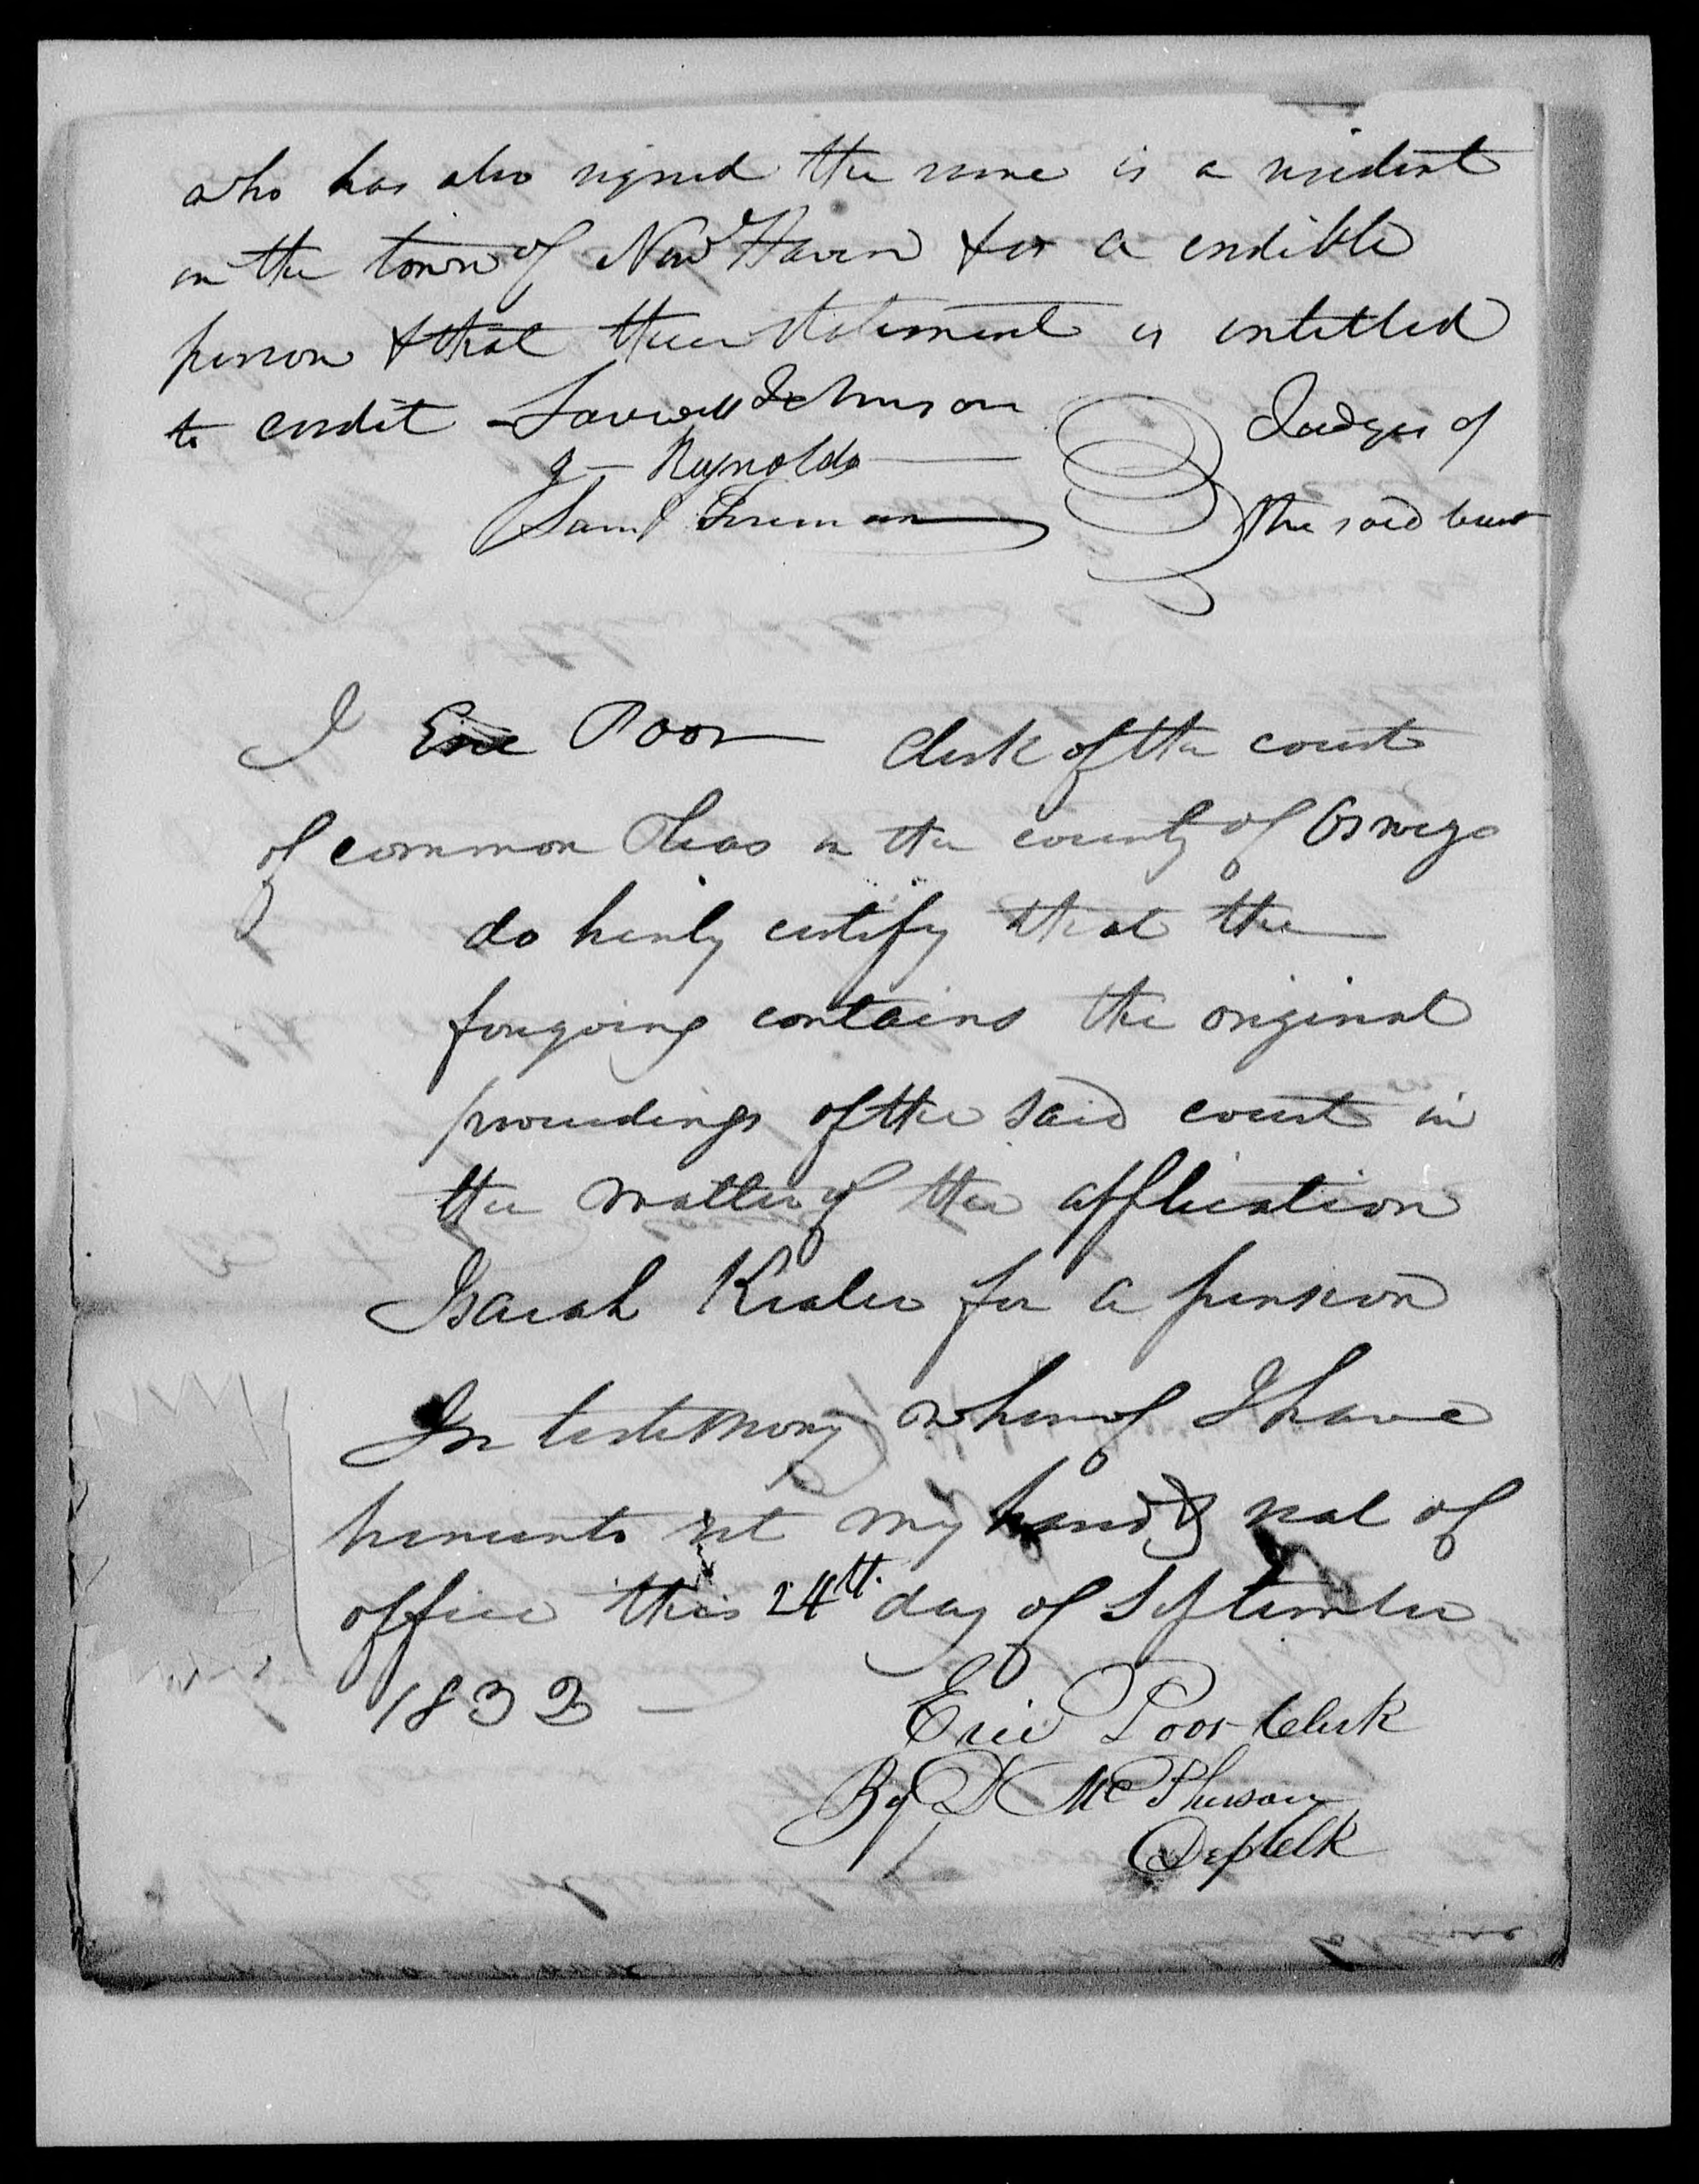who has also signed the same is a resident
in the town of New Haven & a credible
person & that their statement is entitled
to credit 
[signed] Larwell Johnson
J- Reynolds
Saml Freeman
Judges of the said court

I Eric Poor Clerk of the court of common Pleas in the County of Oswego do hereby certify that the
foregoing contains the original proceedings of the said court in the matter of the application Isaiah Kealer [sic] for a pension
In testimony whereof I have hereunto set my hand & seal of office this 24th day of September
1832
[signed] Eric Poor Clerk
By D McPherson
Dep Clk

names: Isaiah Keeler; Eric Poor; D Mc Pherson; J Reynolds; Larwell Johnson; Saml Freeman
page: 14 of 26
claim: survivor's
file: S. 13,625, for Isaiah Keeler, New York